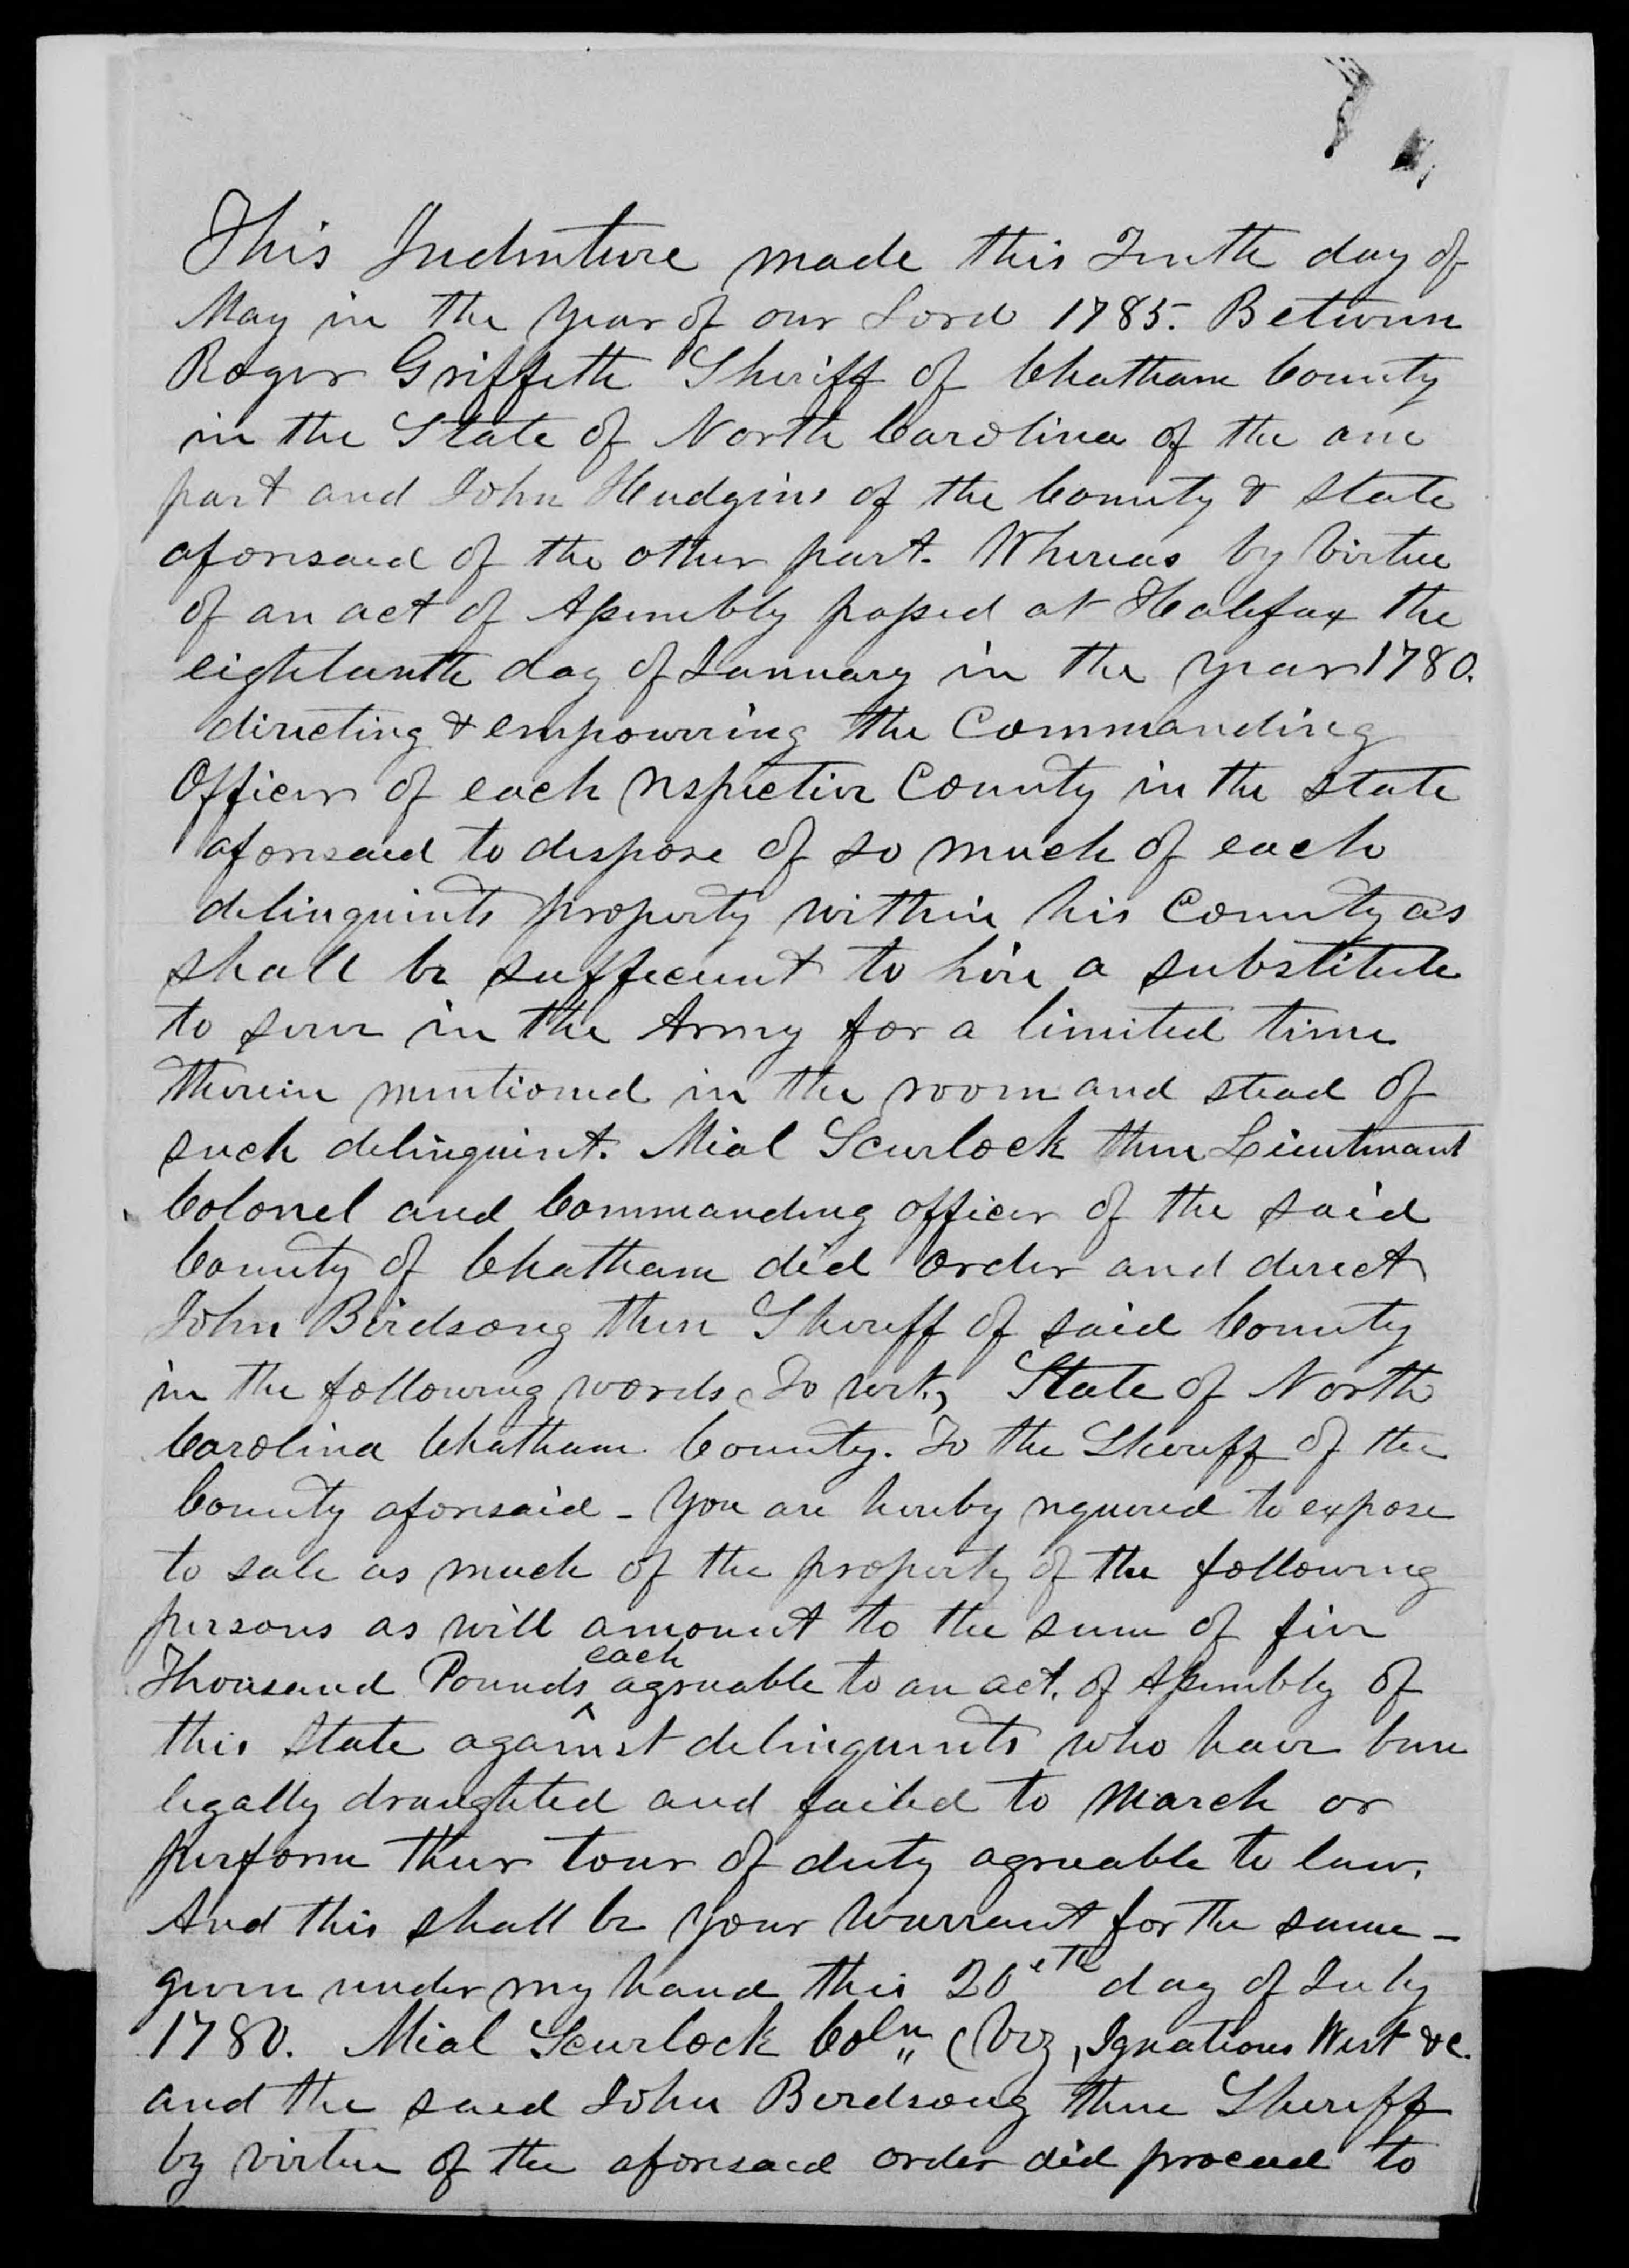This Indenture made this Fourth day of May in the year of our Lord 1785. Between Roger Griffith Sheriff of Chatham County in the State of North Carolina of the one part and John Hudgins of the County & State aforesaid of the other part. Whereas by virtue of an act of Assembly passed at Halifax the eighteenth day of January in the year 1780, directing & empowering the Commanding Officer of each respective County in the State aforesaid to dispose of so much of each delinquints property within his county as shall be sufficient to heir a substitute to serve in the Army for a limited time. Therein mentioned in the room and stead of such delinquint. Nial Scurlock there Lieutenant Colonel and Commanding Officer of the said County of Chatham did order and direct John Birdsong then Sheriff of said County in the following words '[illegible]' State of North Carolina Chatham County. To the Sheriff of the County aforesaid. You are hereby requered to expose to sale as much of the property of the following persons as will amount to the same of five thousand Pounds each agreeable to an act. of Assembly of this state against delinquents who have been legally draughted and failed to march or perform their tour of duty agreeable to law. And this shall be your warrant for the same - given under my hand this 20th day of July 1780. Nial Scurlock Coln. '[illegible] Igantious West &c. and the said John Birdsong there Sheriff by virtue of the aforesaid order did proceed to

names: Roger Griffith, John Birdsong, Ignatious West, John Hudgins, Mial Scurlock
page: 69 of 108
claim: rejected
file: R. 7,515, John Hudgins, N.C.